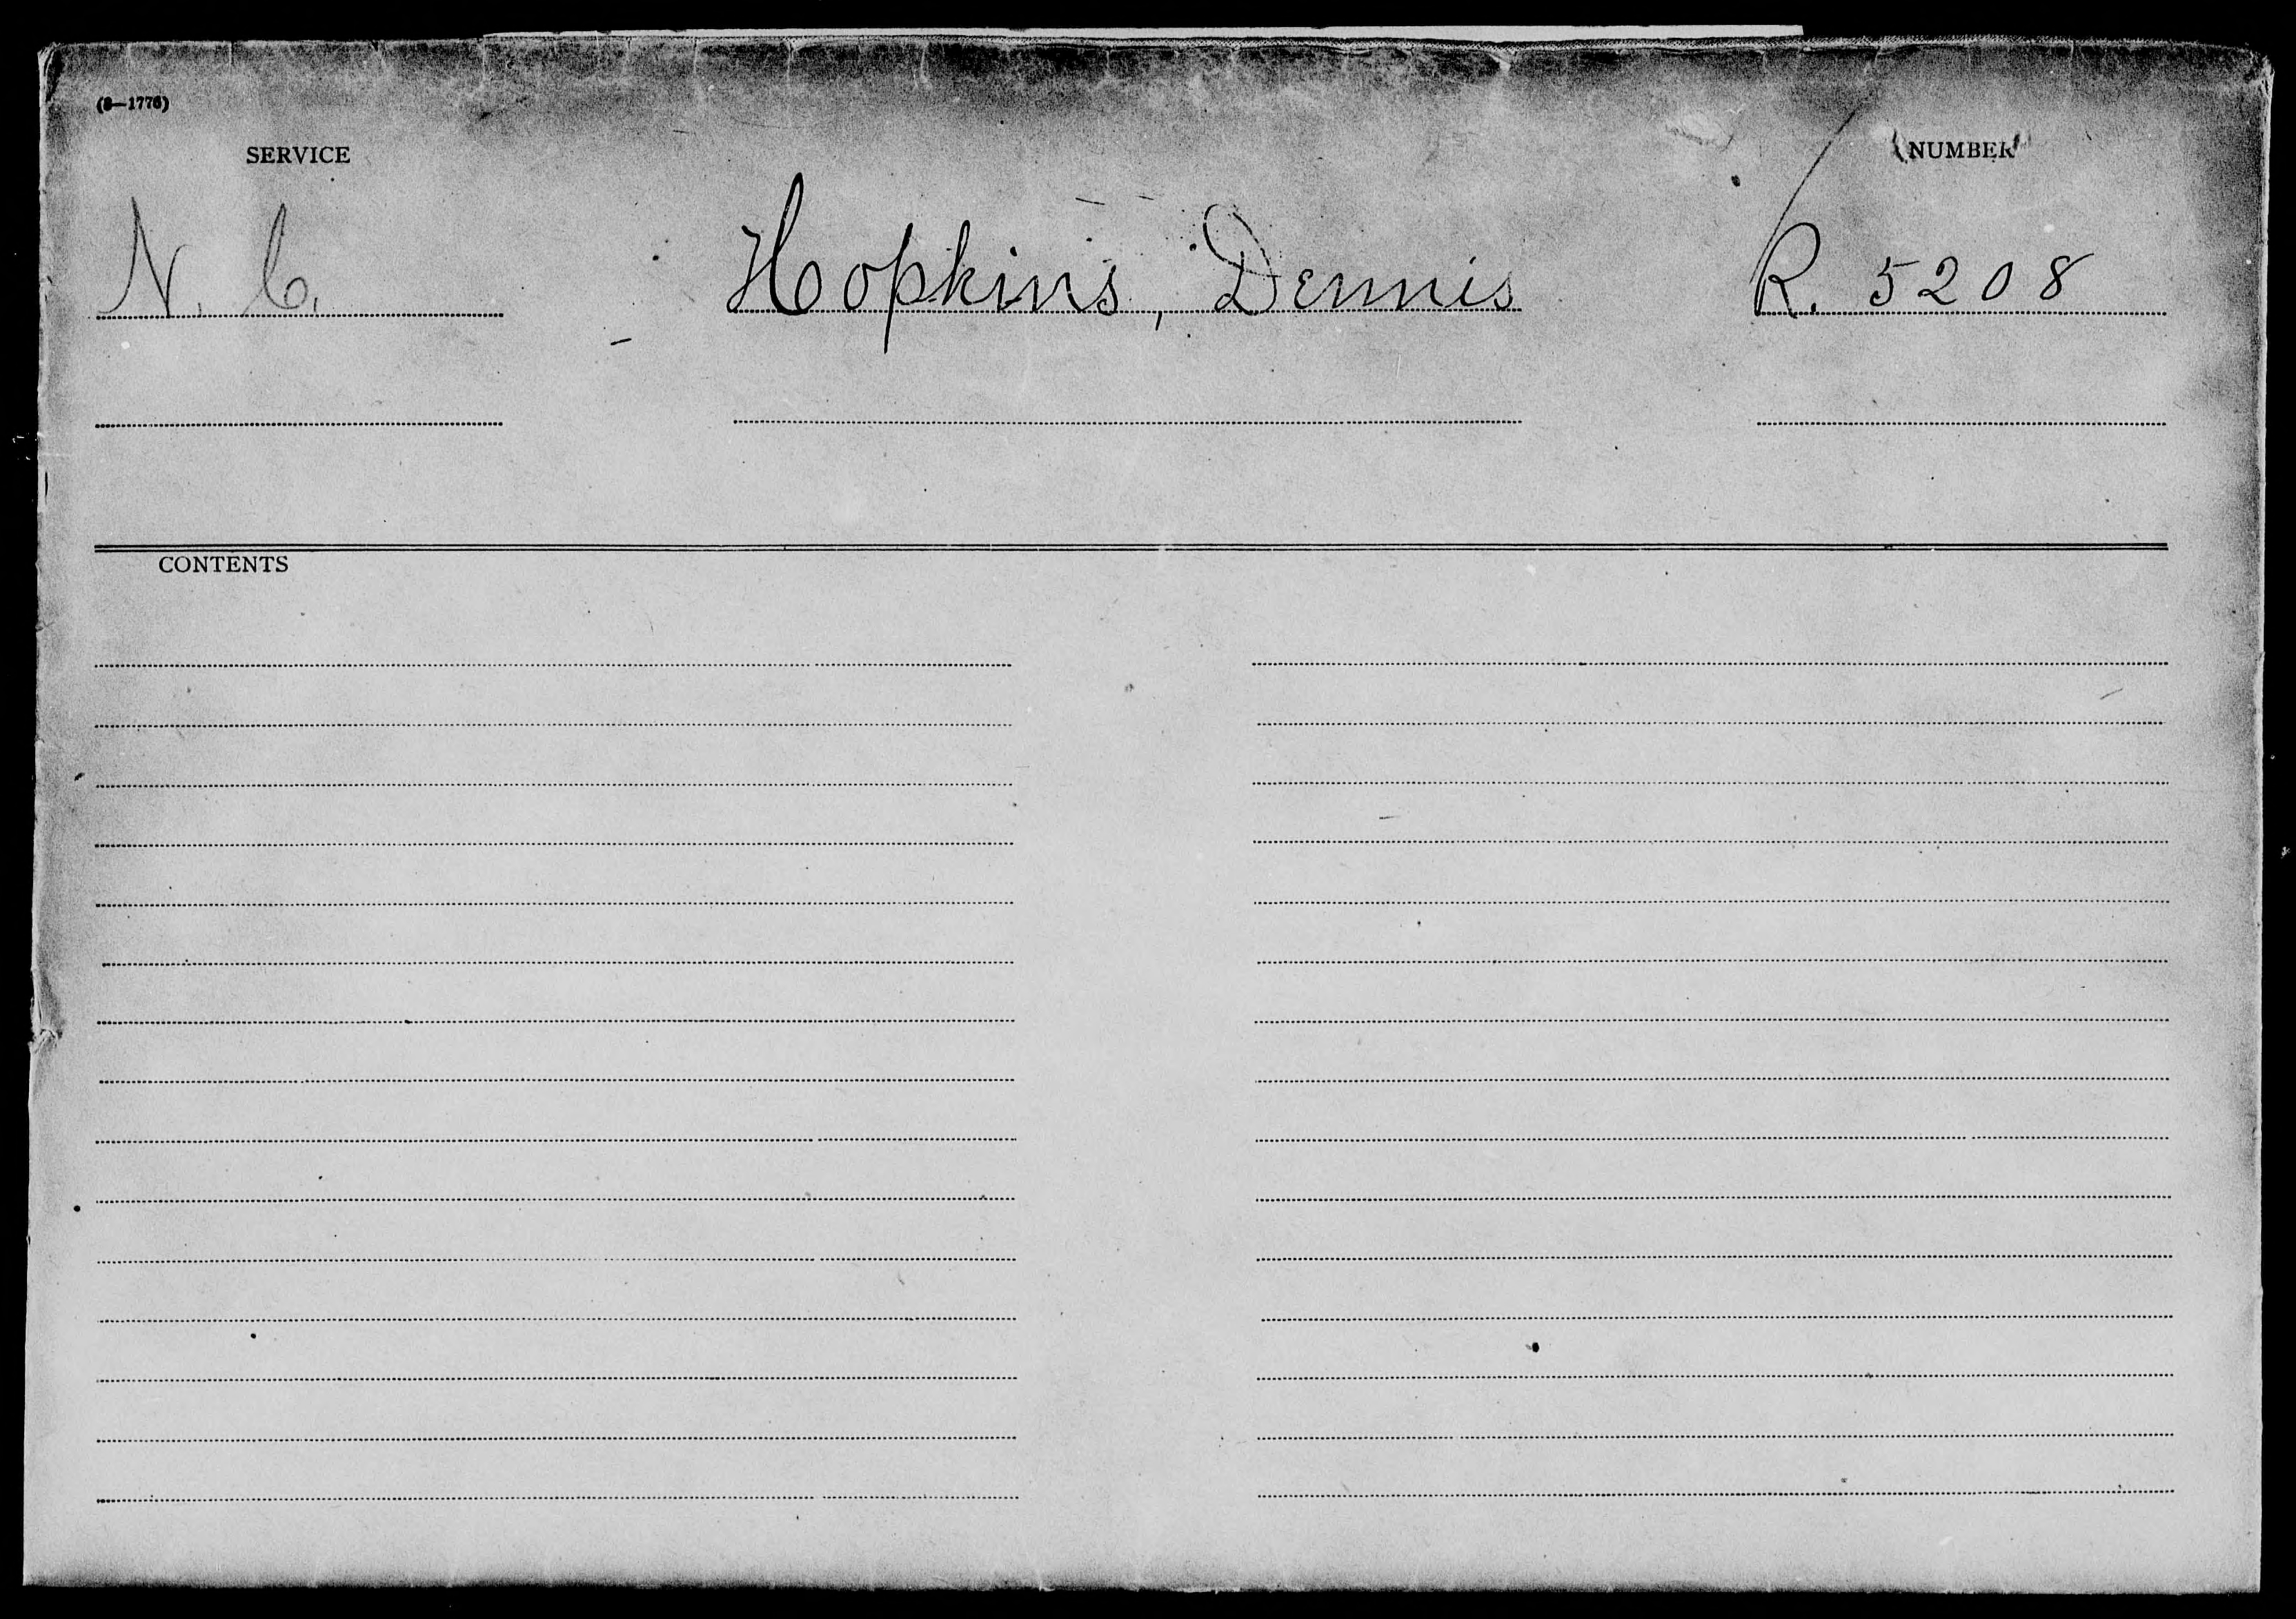Service
N.C.

Hopkins, Dennis

Number
R.5208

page: 1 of 144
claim: rejected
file: R. 5208, Dennis Hopkins, N.C.